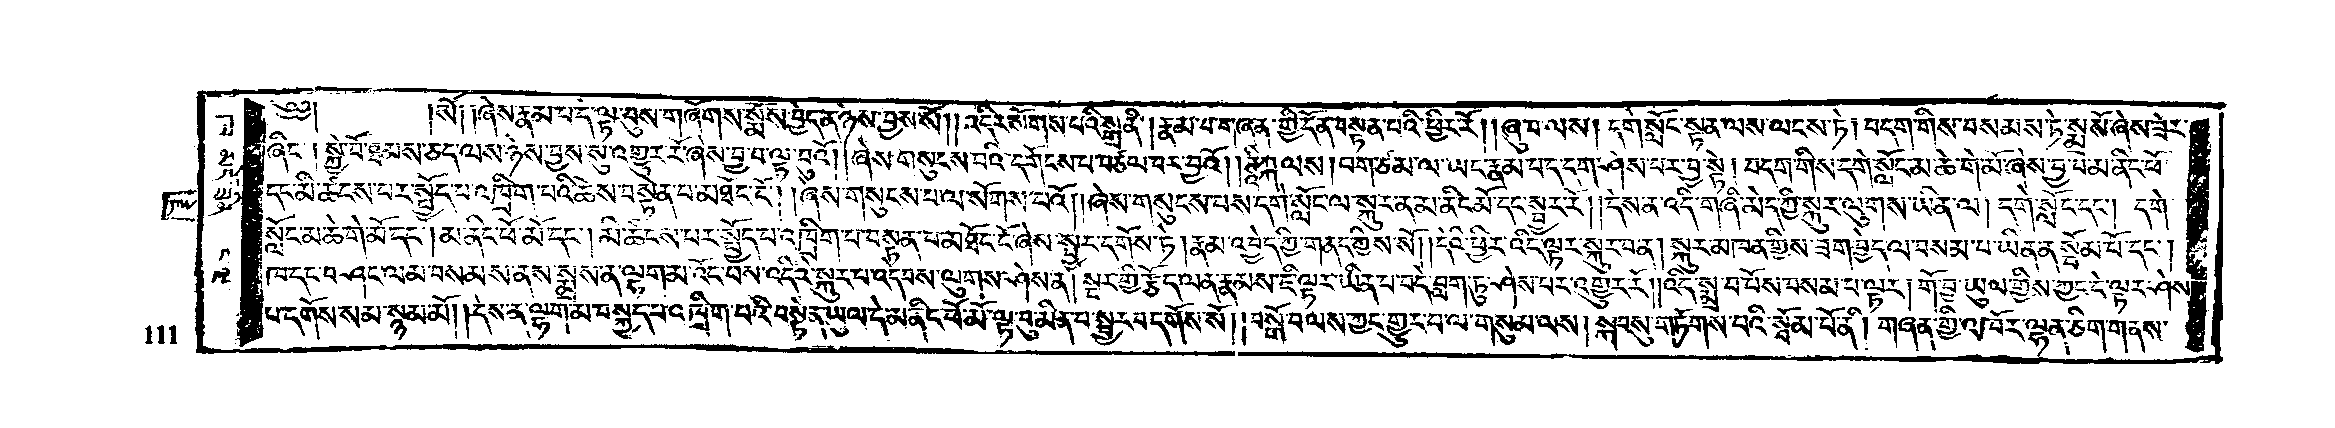༄༅། །སོ། །ཞེས་རྣམ་པ་དེ་ལྟ་བུས་གཞོགས་སྨོས་བྱེད་ན་ཉེས་བྱས་སོ། །འདིར་སོགས་པའི་སྒྲ་ནི། རྣམ་པ་གཞན་གྱི་དོན་བསྟན་པའི་ཕྱིར་རོ། །ཞུ་བ་ལས། དགེ་སློང་སྟན་ལས་ལངས་ཏེ། བདག་གིས་བསམས་ཏེ་སྨྲ་སོ་ཞེས་ཟེར་
ཞིང་། སྐྱེ་བོ་ཐམས་ཅད་ལས་ཉེས་བྱས་སུ་འགྱུར་རོ་ཞེས་བྱ་བ་ལྟ་བུའོ། །ཞེས་གསུངས་པའི་དགོངས་པ་བཙལ་བར་བྱའོ། །ཊཱིཀྐ་ལས། བབ་ཙམ་ལ་ཡང་རྣམ་པ་དེ་དག་ཤེས་པར་བྱ་སྟེ། བདག་གིས་དགེ་སློང་མ་ཆེ་གེ་མོ་ཞེས་བྱ་བ་མ་ནིང་ཕོ་
དང་མི་ཚངས་པར་སྤྱོད་པ་འཁྲིག་པའི་ཆེས་བསྟན་པ་མཐོང་ངོ། །ཞེས་གསུངས་པ་ལ་སོགས་པའོ། །ཞེས་གསུངས་པས་དགེ་སློང་ལ་སྐུར་ན་མ་ནིང་མོ་དང་སྦྱར་རོ། །དེས་ན་འདི་གཞི་མེད་ཀྱི་སྐུར་ལུགས་ཡིན་ལ། དགེ་སློང་དང་། དགེ་
སློང་མ་ཆེ་གེ་མོ་དང་། མ་ནིང་ཕོ་མོ་དང་། མི་ཚངས་པར་སྤྱོད་པ་འཁྲིག་པ་བསྟན་པ་མཐོང་ངོ་ཞེས་སྦྱར་དགོས་ཏེ། རྣམ་འབྱེད་ཀྱི་གནད་ཀྱིས་སོ། །དེའི་ཕྱིར་འདི་ལྟར་སྐུར་བ་ན། སྐུར་མཁན་གྱིས་ཟག་བྱེད་ལ་བསམ་པ་ཡིན་ན་སྦོམ་པོ་དང་།
ཁ་དང་བཤང་ལམ་བསམས་ནས་སྨྲས་ན་ལྷག་མ་འོང་པས་འདིའི་སྐུར་པ་འདེབས་ལུགས་ཤེས་ན། སྔར་གྱི་རྩོད་ལན་རྣམས་ཇི་ལྟར་ཡིན་པ་བདེ་བླག་ཏུ་ཤེས་པར་འགྱུར་རོ། །འདི་སྨྲ་བ་པོས་བསམ་པ་ལྟར། གོ་བྱ་ཡུལ་གྱིས་ཀྱང་དེ་ལྟར་ཤེས་
པ་དགོས་སམ་སྙམ་མོ། །དེས་ན་ལྷག་མ་བསྐྱེད་པ་འཁྲིག་པའི་བསྟེན་ཡུལ་དེ་མ་ནིང་ཕོ་མོ་ལྟ་བུ་མིན་པ་སྦྱར་བ་དགོས་སོ། །བསྒོ་བ་ལས་ཀྱང་གྱུར་པ་ལ་གསུམ་ལས། སྐབས་སུ་གཏོགས་པའི་སྦོམ་པོ་ནི། གཞན་གྱི་འཁོར་ལྷན་ཅིག་གནས་